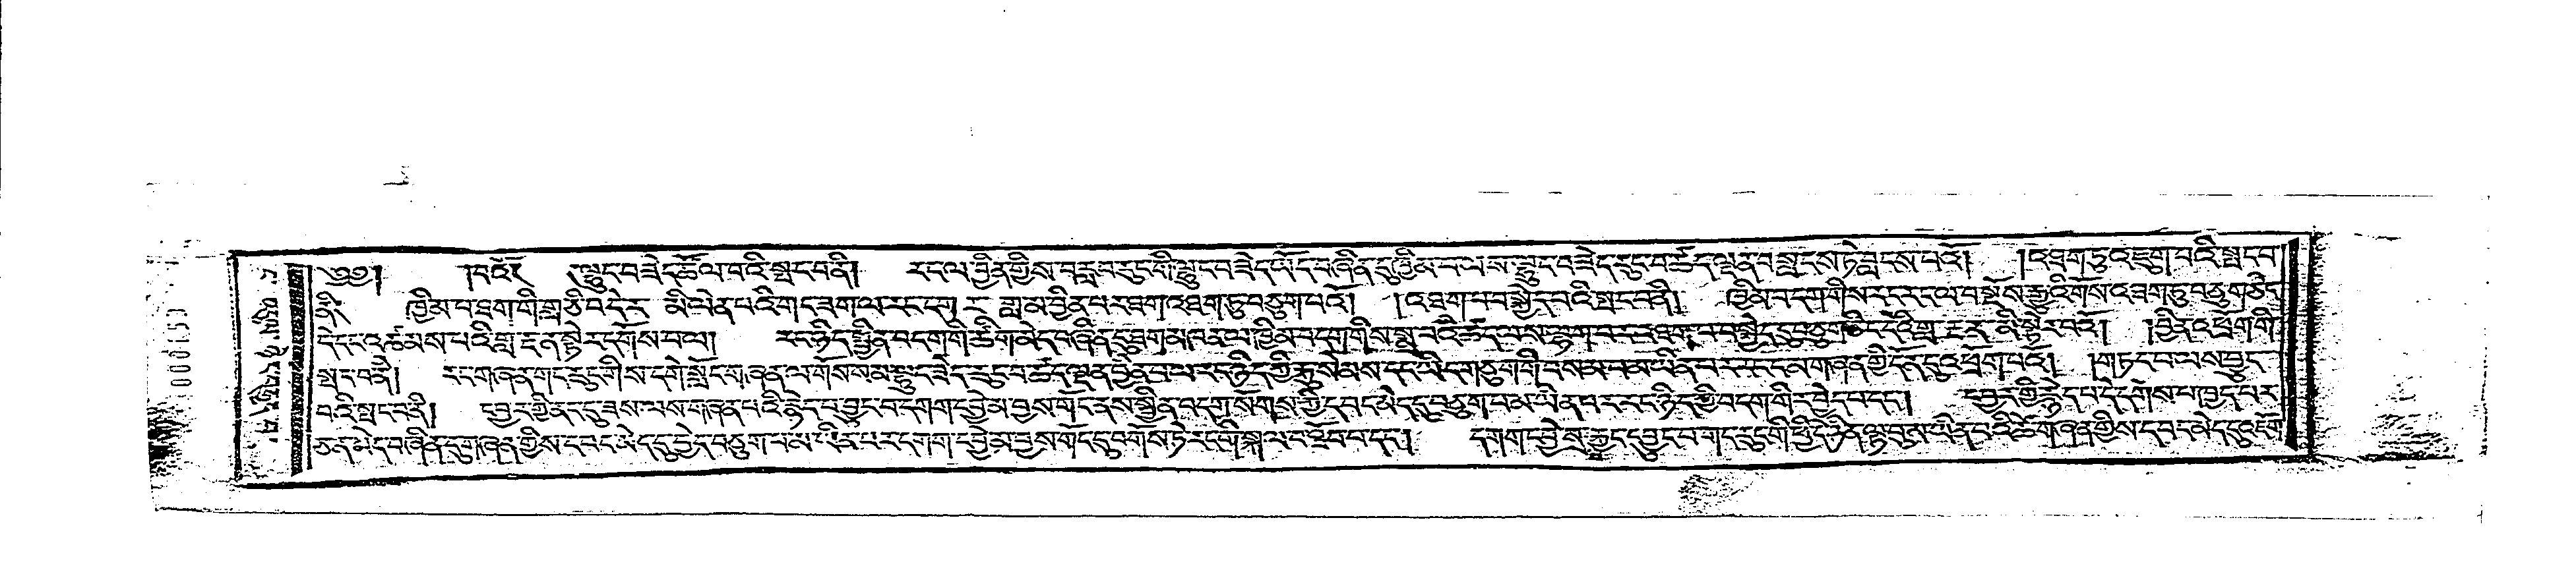༄༅། །བའོ༑ ༑ལྷུང་བཟེད་ཚོལ་བའི་སྤང་བ་ནི། རང་ལ་བྱིན་གྱིས་བརླབ་རུང་གི་ལྷུང་བཟེད་ཡོད་བཞིན་དུ་ཁྱིམ་པ་ལས་ལྷུང་བཟེད་རུང་བ་ཚད་ལྡན་བསླངས་ཏེ་བླངས་པའོ། །འཐག་ཏུ་འཇུག་པའི་སྤང་བ་
ནི༑ ཁྱིམ་པ་ཐག་གི་གླ་ཅི་བདེར་མི་ལེན་པའི་གང་ཟག་ལ་རང་དགར་གླ་མ་བྱིན་པར་ཐག་འཐག་ཏུ་བཅུག་པའོ། །འཐག་པ་བསྐྱེད་པའི་སྤང་བ་ནི། ཁྱིམ་བདག་གིས་རང་རང་ལ་བསྡོས་རྒྱུའི་གོས་འཐག་ཏུ་བཅུག་ཅིང་
དེ་དང་འཚམས་པའི་གླ་རྔན་སྟེར་དགོས་པ་ལ། རང་ཉིད་སྦྱིན་བདག་གི་ཚིག་མེད་བཞིན་དུ་ཐག་མཁན་ལ་ཁྱིམ་བདག་གིས་སྨྲ་བའི་ཚད་ལས་ལྷག་པར་འཐག་པ་བསྐྱེད་དུ་བཅུག་ཅིང་དེའི་གླ་རྔར་མི་སྟེར་བའོ། །བྱིན་འཕྲོག་གི་
སྤང་བ་ནི། རང་གཞན་གང་རུང་གིས་དགེ་སློང་གཞན་ལ་གོས་སམ་ལྷུང་ཟེད་རུང་བ་ཚད་ལྡན་བྱིན་པ་ལ་རང་ཉིད་ཀྱི་རྐུ་སེམས་དང་ཡིད་གཅུག་གི་བསམ་པ་མ་ཡིན་པར་རང་ངམ་གཞན་གྱི་དོན་དུ་འཕྲོག་པའོ། །གཏང་བ་ལས་བྱུང་
བའི་སྤང་བ་ནི། དབྱར་གྱི་ནང་དུ་ཟས་ལས་གཞན་པའི་རྙེད་པ་བྱུང་བ་དགག་དབྱེ་མ་བྱས་གོང་ནས་སྦྱིན་བདག་སོགས་ཀྱི་དབང་མེད་དུ་བཅུག་པ་མ་ཡིན་པར་རང་ཉིད་ཀྱི་བདག་གིར་བྱེད་པ་དང་། དབྱར་གྱི་རྙེད་པ་དེ་དགོས་པ་ཁྱད་པར་
ཅན་མེད་བཞིན་དུ་གཞན་གྱིས་དབང་མེད་དུ་བྱེད་བཅུག་པ་མ་ཡིན་པར་དགག་དབྱེ་མ་བྱས་གོང་དུ་བགོས་ཏེ་རང་གི་སྐལ་བ་ཐོབ་པ་དང་། དགག་དབྱེ་སྲ་བརྐྱང་དབྱུང་བ་གང་རུང་གི་ཕྱི་དེ་ཉིན་ལྟ་བུ་མ་ཡིན་པའི་ཚེ་གཞན་གྱིས་དབང་མེད་དུ་འཇོག་